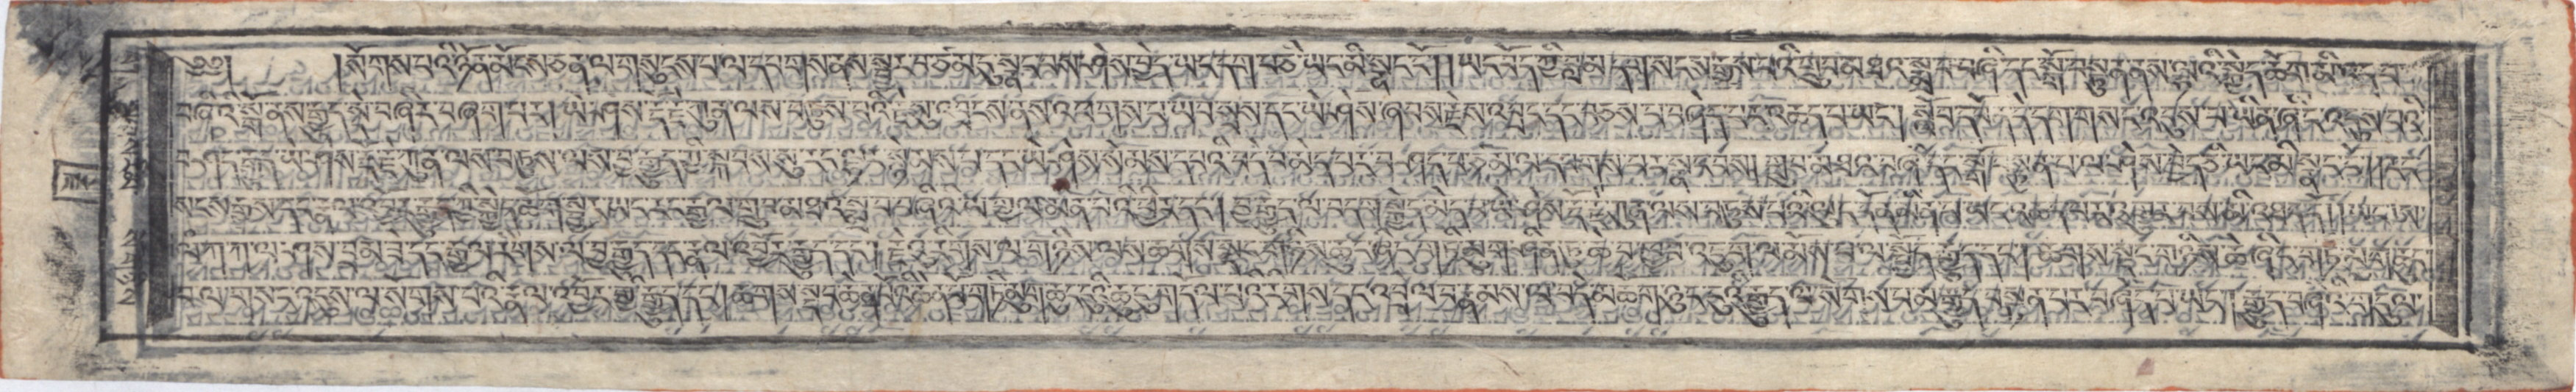༄༅། །སོགས་པའི་ཉོན་མོངས་ཅན་ལ་གསུངས་པ་ལ་དཔགས་ནས་སྦྱར་བ་ཙམ་དུ་སྣང་བས་ཤེས་བྱེད་ཡང་དག་པ་ཅི་ཡང་མི་སྣང་ངོ། །ཡང་བོད་ཀྱི་བླ་མ་དག་སངས་རྒྱས་པའི་གྲུབ་མཐའ་སྨྲ་བ་བཞི་དང་སྒོ་བསྟུན་ནས་ལྷའི་སྐྱེད་ཆོག་མི་འདྲ་བ་
བཞིའི་སྒོ་ནས་རྒྱུད་སྡེ་བཞིར་བཞག་པར། ཡེ་ཤེས་རྡོ་རྗེ་ཀུན་ལས་བཏུས་པའི་རྗེས་སུ་འབྲངས་ནས་འཕགས་པ་ཡབ་སྲས་དང་ཡེ་ཤེས་ཞབས་རྗེས་འབྲང་དང་བཅས་པ་བཞེད་པར་འཆད་པ་ཡང་། སློབ་དཔོན་དེ་དག་གསང་འདུས་པ་ཡིན་ཞིང་འདུས་པའི་
བཤད་རྒྱུད་ཡེ་ཤེས་རྡོ་རྗེ་ཀུན་ལས་བཏུས་ལས་བྱ་རྒྱུད་ཀྱི་སྐབས་སུ་རང་ལྷར་སྙེམས་པ་དང་ཡེ་ཤེས་སེམས་དཔའི་བདེ་བ་མེད་པར་བཤད་པ་ཙམ་ལ་དཔགས་པར་སྣང་བས། གྲུབ་མཐའ་བཞི་དང་སྒོ་བསྟུན་པ་ལ་ཤེས་བྱེད་ཅི་ཡང་མི་སྣང་ངོ། །རང་
སངས་རྒྱས་དང་རྣལ་འབྱོར་རྒྱུད་ཀྱི་སྐྱེད་ཆོག་སྦྱར་ཡང་རང་རྒྱལ་གྲུབ་མཐའ་སྨྲ་བ་བཞིའི་ཡ་གྱལ་མིན་པའི་ཕྱིར་དང་། བྱ་རྒྱུད་ལ་བདག་སྐྱེད་མེད་པ་ཡེ་ཤེས་རྡོ་རྗེ་ཀུན་ལས་བཏུས་པའི་ལུང་དོན་མིན་པ་ཡང་འཆད་པར་འགྱུར་བས་མི་འཐད་དོ། །ཡང་ཨ་
ལཾ་ཀ་ཀ་ལ་ཤས་བྲམ་ཟེ་དང་རྒྱལ་རིགས་ལ་བྱ་རྒྱུད་དང་རྣལ་འབྱོར་རྒྱུད་དང་། རྗེའུ་རིགས་ལ་གཉིས་ལས་ཆགས་སྡང་གཉིས་ཆུང་ཞིང་གཏི་མུག་ཤིན་ཏུ་ཆེ་བ་ཁྱབ་འཇུག་ལ་མོས་པ་ལ་སྤྱོད་རྒྱུད་དང་། ཆགས་སྡང་གཉིས་ཆེ་ཞིང་གཏི་མུག་ཆུང་
བ་ལ་གསང་འདུས་ལ་སོགས་པའི་རྣལ་འབྱོར་གྱི་རྒྱུད་དང་། ཆགས་སྡང་ཆེན་པོའི་ཆེན་པོ་གཏི་མུག་ཆུང་ངུའི་ཆུང་དུ་གཏོལ་པའི་རིགས་དང་འབྲེལ་བ་རྣམས་ལ་བདེ་མཆོག་ཉུང་ངུའི་རྒྱུད་ལ་སོགས་པ་མ་རྒྱུད་བསྟན་པར་བཞེད་པ་ཡང་། རྒྱུད་བཞིའི་གདུལ་